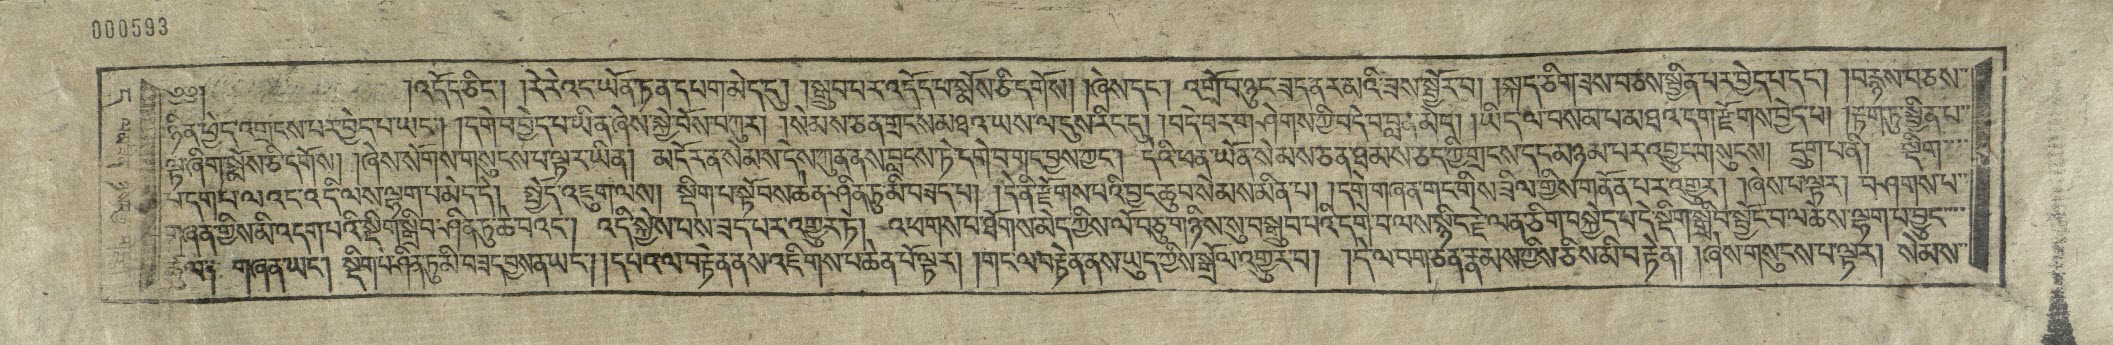༄༅། །འདོད་ཅིང་། །རེ་རེའང་ཡོན་ཏན་དཔག་མེད་དུ། །སྒྲུབ་པར་འདོད་པ་སྨོས་ཅི་དགོས། །ཞེས་དང་། འགྲོ་བ་ཉུང་ཟད་ནར་མའི་ཟས་སྦྱོར་བ། །སྐད་ཅིག་ཟས་བཅས་སྦྱིན་པར་བྱེད་པ་དང་། །བརྙས་བཅས་
ཉིན་ཕྱེད་འགྲངས་པར་བྱེད་པ་ཡང་། །དགེ་བ་བྱེད་པ་ཡིན་ཞེས་སྐྱེ་བོས་བཀུར། །སེམས་ཅན་གྲངས་མཐའ་ཡས་ལ་དུས་རིང་དུ། །བདེ་བར་གཤེགས་ཀྱི་བདེ་བ་བླ་ན་མེད། །ཡིད་ལ་བསམ་པ་མཐའ་དག་རྫོགས་བྱེད་པ། །རྟག་ཏུ་སྦྱིན་པ་
ལྟ་ཞིག་སྨོས་ཅི་དགོས། །ཞེས་སོགས་གསུངས་པ་ལྟར་ཡིན། མདོར་ན་སེམས་དེས་ཀུན་ནས་བླངས་ཏེ་དགེ་བ་གང་བྱས་ཀྱང་། དེའི་ཕན་ཡོན་སེམས་ཅན་ཐམས་ཅད་ཀྱི་གྲངས་དང་མཉམ་པར་འབྱུང་གསུངས། དྲུག་པ་ནི། སྡིག་
པ་དག་པ་ལའང་འདི་ལས་ལྷག་པ་མེད་དེ། སྤྱོད་འཇུག་ལས། སྡིག་པ་སྟོབས་ཆེན་ཤིན་ཏུ་མི་བཟད་པ། །དེ་ནི་རྫོགས་པའི་བྱང་ཆུབ་སེམས་མིན་པ། །དགེ་གཞན་གང་གིས་ཟིལ་གྱིས་གནོན་པར་འགྱུར། །ཞེས་པ་ལྟར། བཤགས་པ་
གཞན་གྱིས་མི་འདག་པའི་སྡིག་སྒྲིབ་ཤིན་ཏུ་ཆེ་བའང་། འདི་སྐྱེས་པས་ཟད་པར་འགྱུར་ཏེ། འཕགས་པ་ཐོགས་མེད་ཀྱིས་ལོ་བཅུ་གཉིས་སུ་བསྒྲུབ་པའི་དགེ་བ་ལས་སྙིང་རྗེ་ལན་ཅིག་བསྐྱེད་པ་དེ་སྡིག་སྒྲིབ་སྦྱོང་བ་ལ་ཆེས་ལྷག་པ་བྱུང་
ཚུལ༑ གཞན་ཡང་། སྡིག་པ་ཤིན་ཏུ་མི་བཟད་བྱས་ན་ཡང་། །དཔའ་ལ་བརྟེན་ནས་འཇིགས་པ་ཆེན་པོ་ལྟར། །གང་ལ་བརྟེན་ནས་ཡུད་ཀྱིས་སྒྲོལ་འགྱུར་བ། །དེ་ལ་བག་ཅན་རྣམས་ཀྱིས་ཅིས་མི་བརྟེན། །ཞེས་གསུངས་པ་ལྟར། སེམས་